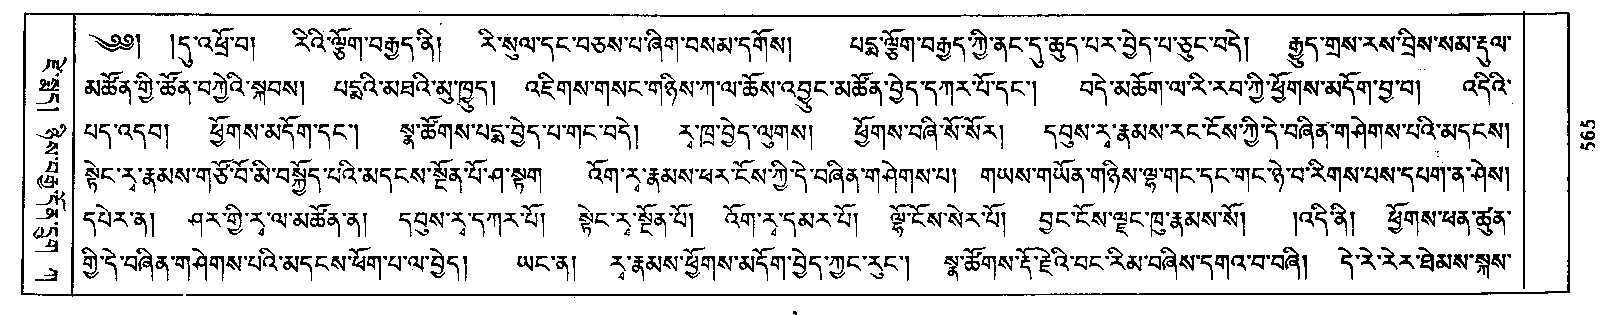༄༅། །དུ་འཕྲོ་བ། རིའི་ལྕོག་བརྒྱད་ནི། རི་སུལ་དང་བཅས་པ་ཞིག་བསམ་དགོས། པདམ་ལྕོག་བརྒྱད་ཀྱི་ནང་དུ་ཆུད་པར་བྱེད་པ་ཅུང་བདེ། རྒྱུད་གྲས་རས་བྲིས་སམ་རྡུལ་
མཚོན་གྱི་ཚོན་བཀྱེའི་སྐབས། པདམའི་མཐའི་མུ་ཁྱུད། འཇིགས་གསང་གཉིས་ཀ་ལ་ཆོས་འབྱུང་མཚོན་བྱེད་དཀར་པོ་དང་། བདེ་མཆོག་ལ་རི་རབ་ཀྱི་ཕྱོགས་མདོག་བྱ་བ། འདིའི་
པད་འདབ། ཕྱོགས་མདོག་དང་། སྣ་ཚོགས་པདམ་བྱེད་པ་གང་བདེ། རྭ་ཁྲ་བྱེད་ལུགས། ཕྱོགས་བཞི་སོ་སོར། དབུས་རྭ་རྣམས་རང་ངོས་ཀྱི་དེ་བཞིན་གཤེགས་པའི་མདངས།
སྟེང་རྭ་རྣམས་གཙོ་བོ་མི་བསྐྱོད་པའི་མདངས་སྔོན་པོ་ཤ་སྟག་འོག་རྭ་རྣམས་ཕར་ངོས་ཀྱི་དེ་བཞིན་གཤེགས་པ། གཡས་གཡོན་གཉིས་ལྷ་གང་དང་གང་ཉེ་བ་རིགས་པས་དཔག་ན་ཤེས།
དཔེར་ན། ཤར་གྱི་རྭ་ལ་མཚོན་ན། དབུས་རྭ་དཀར་པོ། སྟེང་རྭ་སྔོན་པོ། འོག་རྭ་དམར་པོ། ལྷོ་ངོས་སེར་པོ། བྱང་ངོས་ལྗང་ཁུ་རྣམས་སོ། །འདི་ནི། ཕྱོགས་ཕན་ཚུན་
གྱི་དེ་བཞིན་གཤེགས་པའི་མདངས་ཕོག་པ་ལ་བྱེད། ཡང་ན། རྭ་རྣམས་ཕྱོགས་མདོག་བྱེད་ཀྱང་རུང་། སྣ་ཚོགས་རྡོ་རྗེའི་བང་རིམ་བཞིས་དགའ་བ་བཞི། དེ་རེ་རེར་ཐེམས་སྐས་